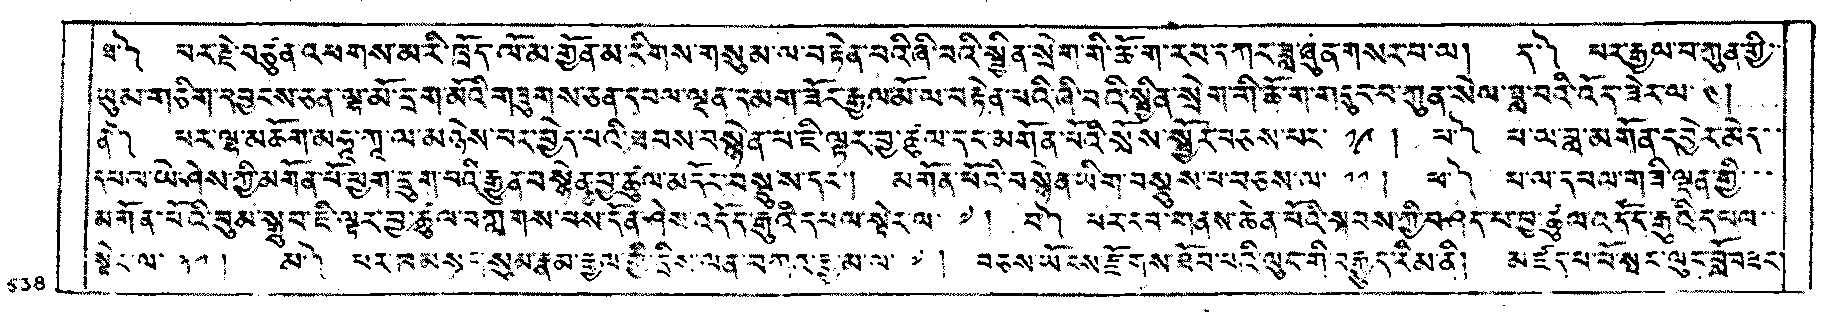ཐ྄་པར་རྗེ་བཙུན་འཕགས་མ་རི་ཁྲོད་ལོ་མ་གྱོན་མ་རིགས་གསུམ་ལ་བརྟེན་པའི་ཞི་བའི་སྦྱིན་སྲེག་གི་ཆོ་ག་རབ་དཀར་ཟླ་ཞུན་གསར་པ་ལ། ད྄་པར་རྒྱལ་བ་ཀུན་གྱི་
ཡུམ་གཅིག་དབྱངས་ཅན་ལྷ་མོ་དྲག་མོའི་གཟུགས་ཅན་དཔལ་ལྡན་དམག་ཟོར་རྒྱལ་མོ་ལ་བརྟེན་པའི་ཞི་བའི་སྦྱིན་སྲེག་གི་ཆོ་ག་གདུང་བ་ཀུན་སེལ་ཟླ་བའི་འོད་ཟེར་ལ ༤།
ན྄་པར་ལྷ་མཆོག་མཧཱ་ཀཱ་ལ་མཉེས་པར་བྱེད་པའི་ཐབས་བསྙེན་པ་ཇི་ལྟར་བྱ་ཚུལ་དང་མགོན་པོའི་སྤོས་སྦྱོར་བཅས་པར ༡༩། པ྄་པ་ལ་བླ་མགོན་དབྱེར་མེད་
དཔལ་ཡེ་ཤེས་ཀྱི་མགོན་པོ་ཕྱག་དྲུག་པའི་རྒྱུན་བསྙེན་བྱ་ཚུལ་མདོར་བསྡུས་དང་། མགོན་པོའི་བསྙེན་ཡིག་བསྡུས་པ་བཅས་ལ ༡༡། ཕ྄་པ་ལ་དཔལ་གཟི་ལྡན་གྱི་
མགོན་པོའི་བུམ་སྒྲུབ་ཇི་ལྟར་བྱ་ཚུལ་བཀླགས་པས་དོན་ཤེས་འདོད་རྒུའི་དཔལ་སྟེར་ལ ༧། བ྄་པར་རབ་གནས་ཆེན་པོའི་སྐབས་ཀྱི་བཤད་པ་བྱ་ཚུལ་འདོད་རྒུའི་དཔལ་
སྟེར་ལ ༢༡། མ྄་པར་ཁམས་གསུམ་རྣམ་རྒྱལ་གྱི་དྲིས་ལན་བཀའ་རྒྱ་མ་ལ ༧། བཅས་ཡོངས་རྫོགས་ཐོབ་པའི་ལུང་གི་བརྒྱུད་རིམ་ནི། མཛད་པ་པོ་སྤང་ལུང་བློ་བཟང་